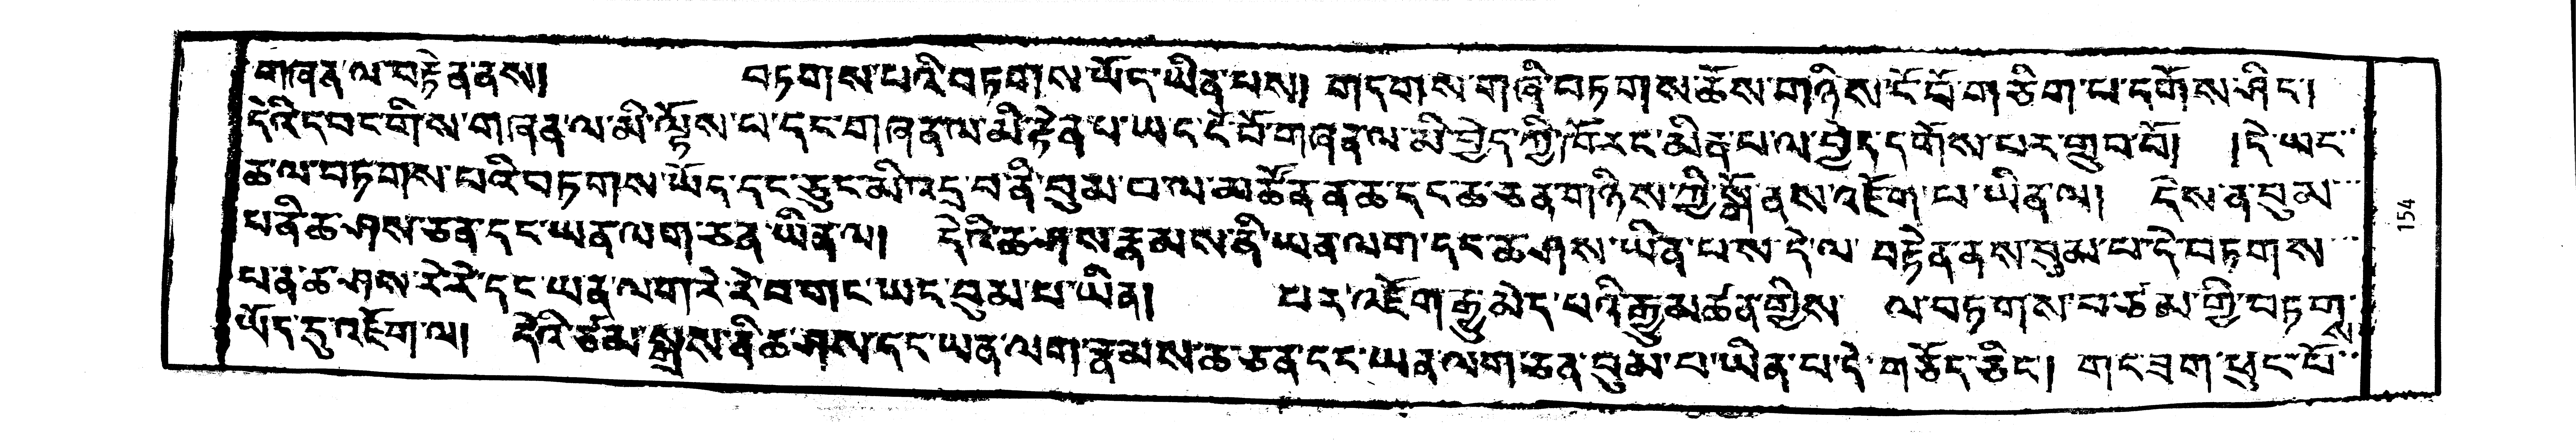གཞན་ལ་བརྟེན་ནས། བཏགས་པའི་བཏགས་ཡོད་ཡིན་པས། གདགས་གཞི་བཏགས་ཆོས་གཉིས་ངོ་བོ་གཅིག་པ་དགོས་ཤིང་།
དེའི་དབང་གིས་གཞན་ལ་མི་ལྟོས་པ་དང་གཞན་ལ་མི་རྟེན་པ་ཡང་ངོ་བོ་གཞན་ལ་མི་བྱེད་ཀྱི་ཁོ་རང་མིན་པ་ལ་བྱེད་དགོས་པར་གྲུབ་བོ། །དེ་ཡང་
ཆ་ལ་བཏགས་པའི་བཏགས་ཡོད་དང་ཅུང་མི་འདྲ་བ་ནི་བུམ་པ་ལ་མཚོན་ན་ཆ་དང་ཆ་ཅན་གཉིས་ཀྱི་སྒོ་ནས་འཇོག་པ་ཡིན་ལ། དེས་ན་བུམ་
པ་ནི་ཆ་ཤས་ཅན་དང་ཡན་ལག་ཅན་ཡིན་ལ། དེའི་ཆ་ཤས་རྣམས་ནི་ཡན་ལག་དང་ཆ་ཤས་ཡིན་པས་དེ་ལ་བརྟེན་ནས་བུམ་པ་དེ་བཏགས་
པ་ན་ཆ་ཤས་རེ་རེ་དང་ཡན་ལག་རེ་རེ་བ་གང་ཡང་བུམ་པ་ཡིན། པར་འཇོག་རྒྱུ་མེད་པའི་རྒྱུ་མཚན་གྱིས་ལ་བཏགས་པ་ཙམ་གྱི་བཏགས་
ཡོད་དུ་འཇོག་ལ། དེའི་ཙམ་སྒྲས་ནི་ཆ་ཤས་དང་ཡན་ལག་རྣམས་ཆ་ཅན་དང་ཡན་ལག་ཅན་བུམ་པ་ཡིན་པ་དེ་གཅོད་ཅིང་། གང་ཟག་ཕུང་པོ་